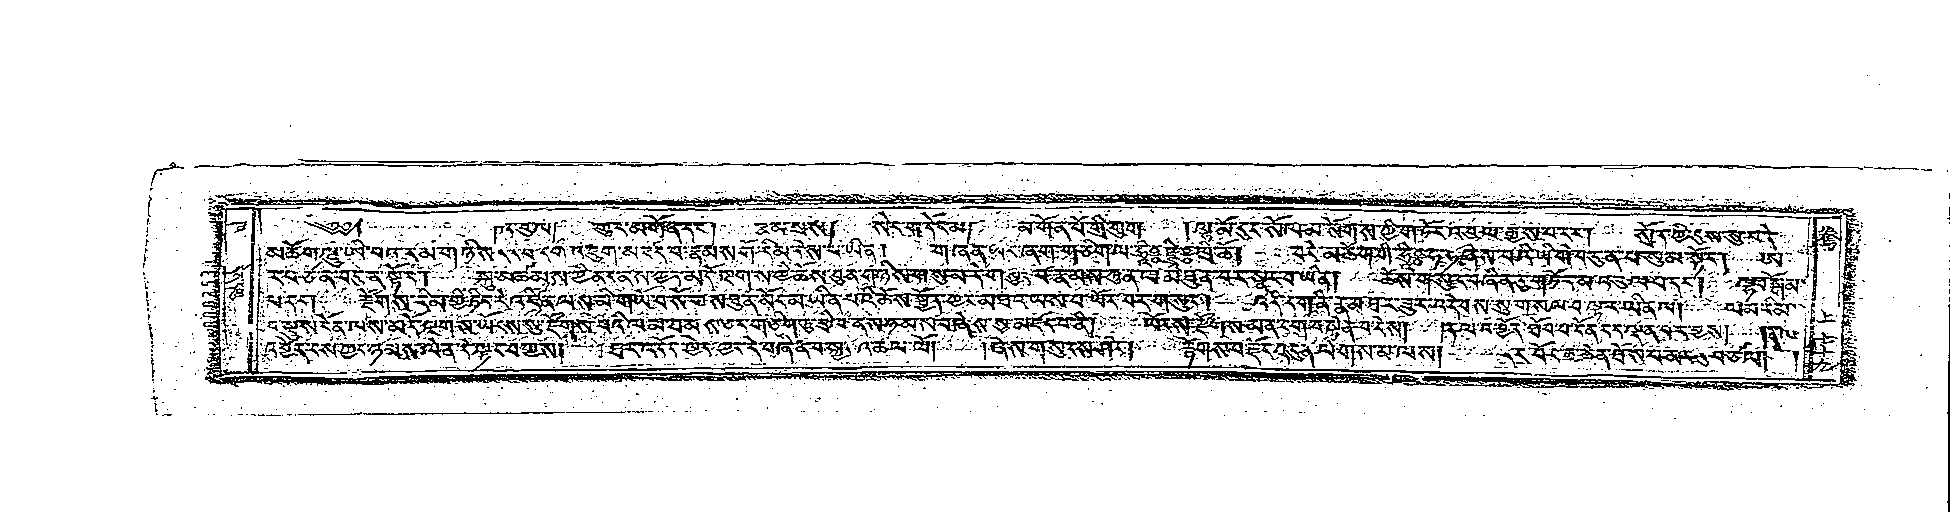༄༅། །འབུལ། གུར་མགོན་དང་། རྣམ་སྲས། སེང་གདོང་མ། མགོན་པོ་གྲི་གུག །ལྷ་མོ་དུང་སོལ་མ་སོགས་ཀྱི་གཏོར་འབུལ་རྒྱས་པ་དང་། སྲོད་ཀྱི་དུས་སུ་བདེ་
མཆོག་ལཱུ་ཨི་པའ་དམ་གཉིས་ངང་བདག་འཇུག་མཛད་པ་རྣམས་གོ་རིམ་ངེས་པ་ཡིན། གཞན་ཡང་ཞག་གཅིག་ལ་ཧྲཱིཿ་ཥྚྲཱིཿ་ཁྲི་ཆོ། ངེད་མཆོག་གི་ཧྲཱིཿ་ཧ་ཧ་ཞེས་པའི་ཡི་གེ་བདུན་པ་སུམ་སྟོང་། ཨ་
ར་པ་ཙ་ན་བདུན་སྟོང་། སྐུ་མཚམས་ཀྱི་ནང་ནས་ཀྱང་མདོ་སྔགས་ཀྱི་ཆོས་བུན་གཉིས་གསུམ་རེ་གསུང་བ་རྣམས་ཀུན་ལ་མཐུན་བར་སྣང་བ་ཡིན། ཆོས་གསུང་བཞིན་དུ་གཏོར་མ་འབུལ་པ་དང་། ལྟ་བསྒོམ་
པ་དང་། རྫོགས་རིམ་གྱི་ཏིང་ངེ་འཛིན་ལས་མི་གཡོ་བ་སོགས་ཐུན་མོང་མ་ཡིན་པའི་ཆོས་སྤྱོད་ཀྱང་མཐའ་ཡས་བ་ཡོང་བར་གསུང་། འདི་དག་ནི་རྣམ་ཐར་ཟུར་འདེབས་སུ་གསལ་བ་ལྟར་ཡིན་ལ། ལམ་རིམ་
བསྡུས་དོན་ལས་མདོ་སྔགས་ཡོངས་སུ་རྫོགས་པའི་ལམ་ཐམས་ཅད་གཅིག་ཏུ་དྲིལ་ནས་ཉམས་བཞེས་སུ་མཛེད་པ་ནི། ཡོངས་རྫོགས་མན་ངག་བསྟེན་བ་ངེས། །དལ་འབྱོར་ཐོབ་པ་དོན་དང་ལྡན་པར་བྱས། །རྣལ་
འབྱོར་ངས་ཀྱང་ཉམས་ལེན་དེ་ལྟར་བགྱིས། །ཐར་འདོད་ཁྱེད་ཀྱང་དེ་བཞིན་བསྐྱ་བ་འཚལ་ལོ། །ཞེས་གསུངས་ཤིང་། རྟོགས་བརྗོད་འདུན་ལེགས་མ་ལས། དང་བོར་རྒྱ་ཆེན་ཐོས་པ་མང་དུ་བཙལ། །